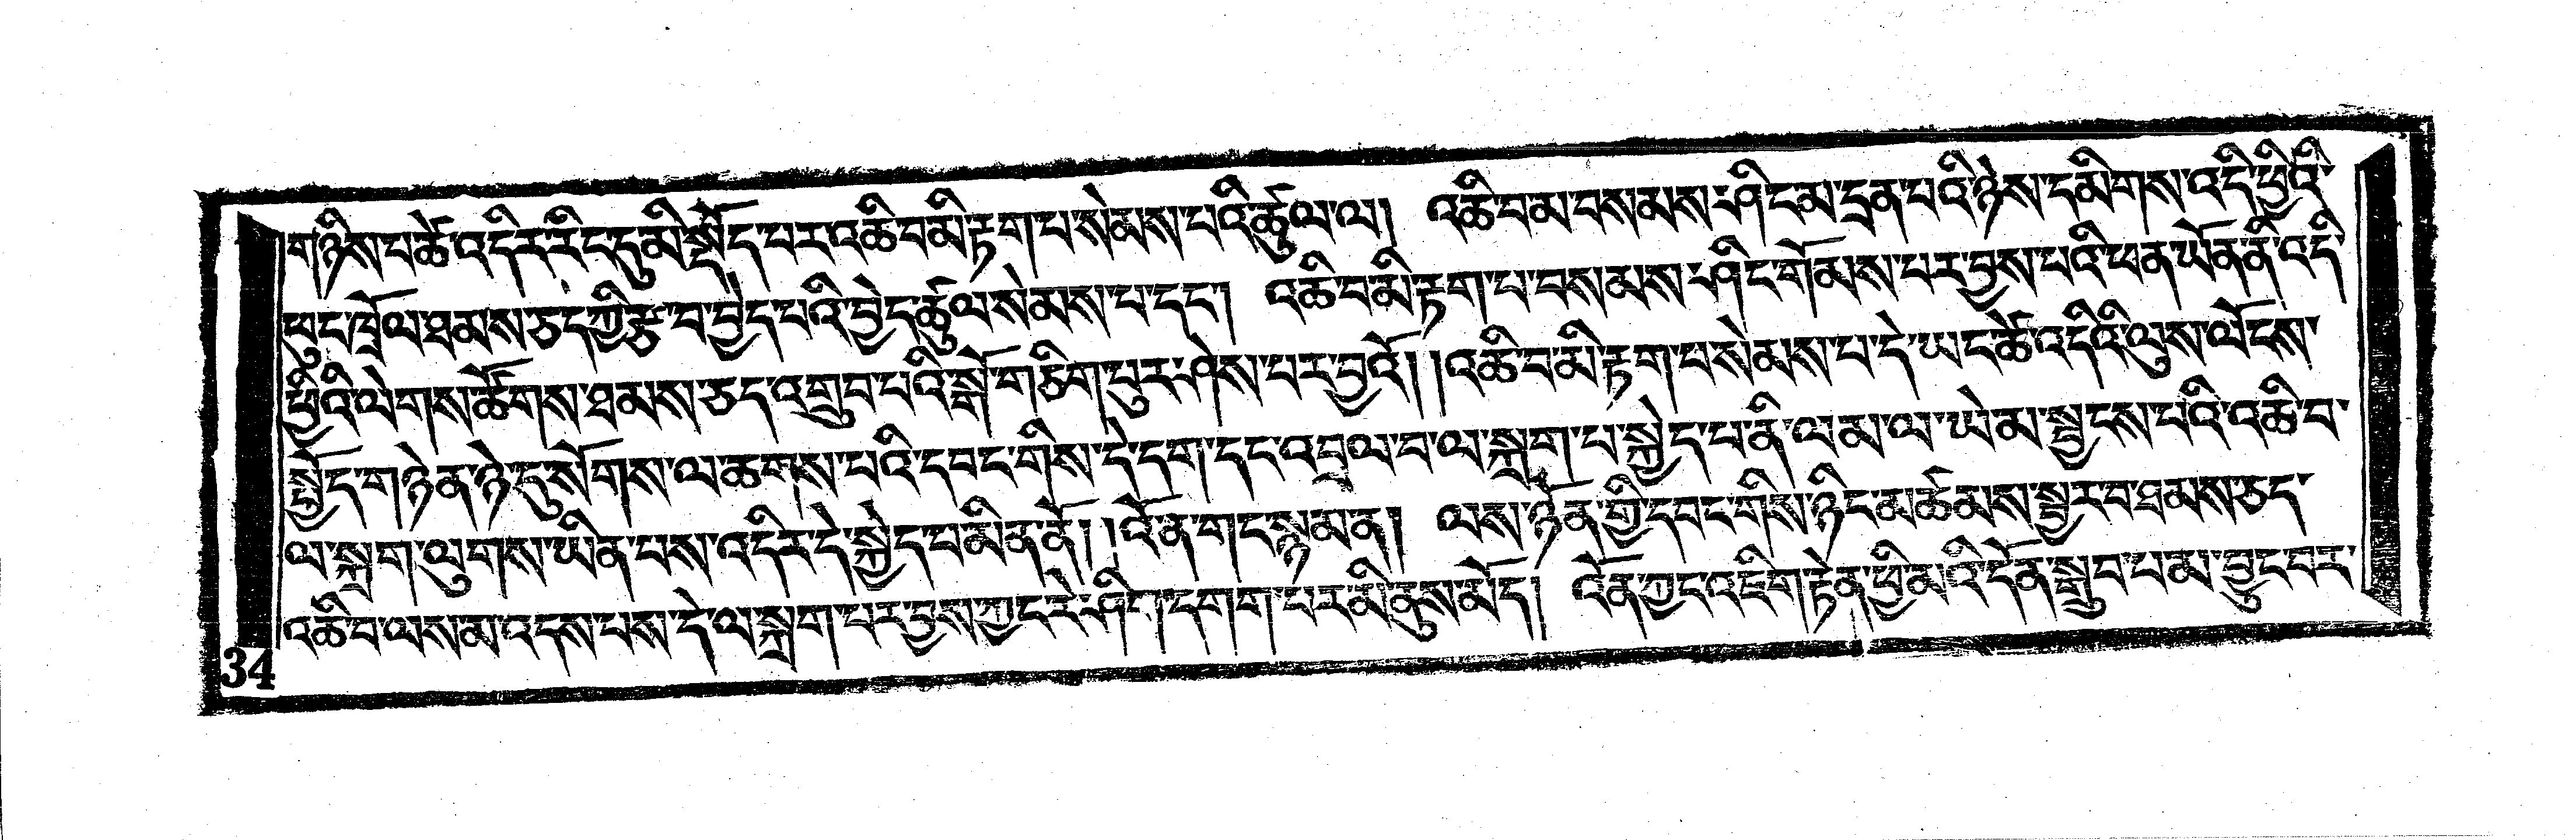གཉིས་པ་ཚེ་འདིར་རིང་དུ་མི་སྡོད་པར་འཆི་བ་མི་རྟག་པ་སེམས་པའི་ཚུལ་ལ། འཆི་བ་མ་བསམས་ཤིང་མ་དྲན་པའི་ཉེས་དམིགས་འདི་ཕྱིའི་
ཕུང་ཁྲོལ་ཐམས་ཅད་ཀྱི་རྩ་བ་བྱེད་པའི་བྱེད་ཚུལ་སེམས་པ་དང་། འཆི་བ་མི་རྟག་པ་བསམས་ཤིང་གོམས་པར་བྱས་པའི་ཕན་ཡོན་ནི་འདི་
ཕྱིའི་ལེགས་ཚོགས་ཐམས་ཅད་འགྲུབ་པའི་སྒོ་གཅིག་པུར་ཤེས་པར་བྱའོ། །འཆི་བ་མི་རྟག་པ་སེམས་པ་དེ་ཡང་ཚེ་འདིའི་ལུས་ལོངས་
སྤྱོད་གཉེན་ཉེ་དུ་སོགས་ལ་ཆགས་པའི་དབང་གིས་དེ་དག་དང་འབྲལ་བ་ལ་སྐྲག་པ་སྐྱེད་པ་ནི་ལམ་ལ་ཡེ་མ་སྦྱངས་པའི་འཆི་བ་
ལ་སྐྲག་ལུགས་ཡིན་པས་འདིར་དེ་སྐྱེད་པ་མིན་ནོ། །འོ་ན་གང་སྙམ་ན། ལས་ཉོན་གྱི་དབང་གིས་ཉིང་མཚམས་སྦྱར་བ་ཐམས་ཅད་
འཆི་བ་ལས་མ་འདས་པས་དེ་ལ་སྐྲག་པར་བྱས་ཀྱང་རེ་ཤིག་དགག་པར་མི་ནུས་མོད། འོན་ཀྱང་འཇིག་རྟེན་ཕྱི་མའི་དོན་སྒྲུབ་པ་མ་བྱུང་བར་